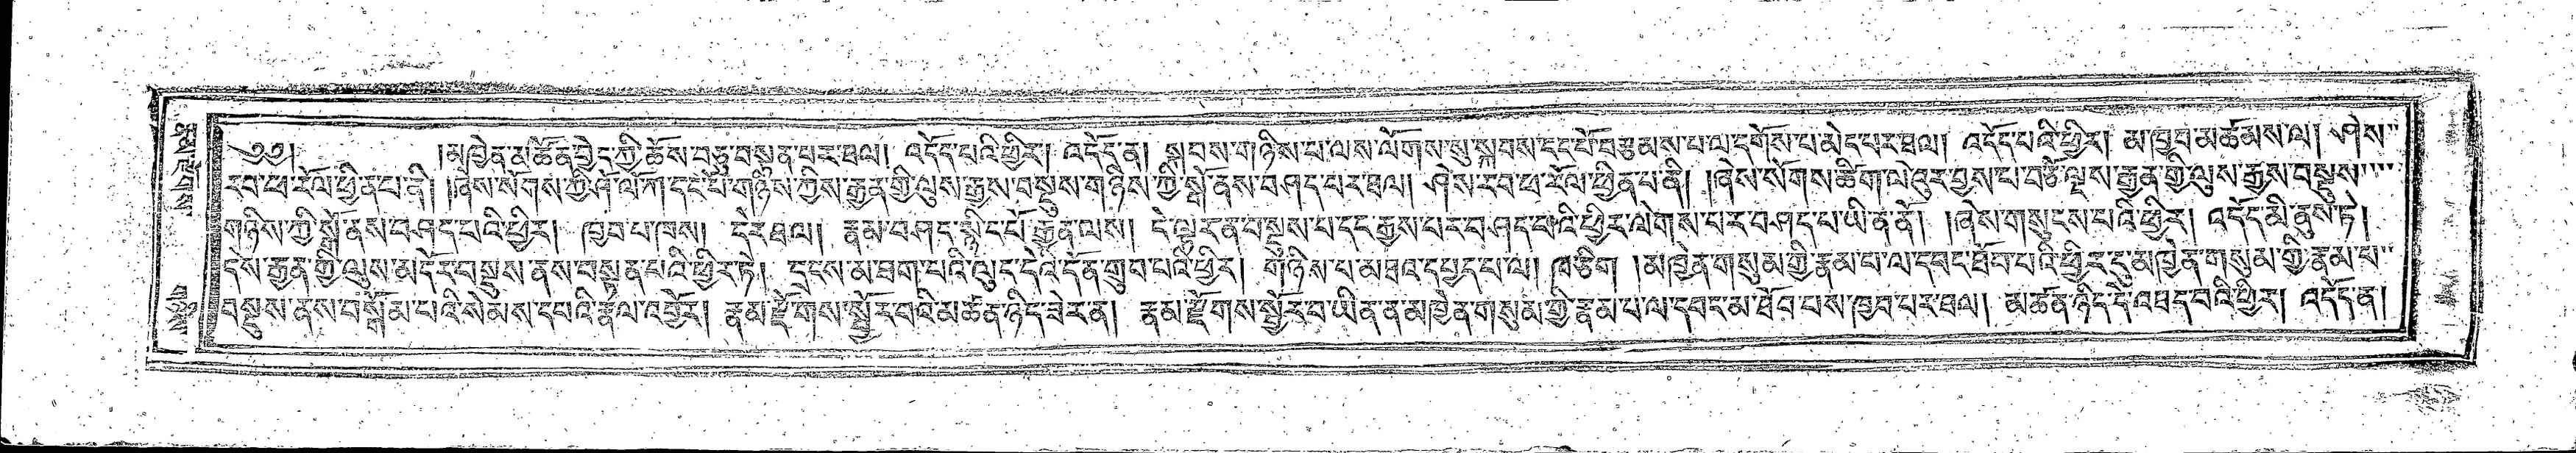༄༅། །མཁྱེན་མཚོན་བྱེད་ཀྱི་ཆོས་བཅུ་བསྟན་པར་ཐལ། འདོད་པའི་ཕྱིར། འདོད་ན། སྐབས་གཉིས་པ་ལས་ལོགས་སུ་སྐབས་དང་པོ་བརྩམས་པ་ལ་དགོས་པ་མེད་པར་ཐལ། འདོད་པའི་ཕྱིར། མ་ཁྱབ་མཚམས་ལ། ཤེས་
རབ་ཕ་རོལ་ཕྱིན་པ་ནི། །ཞེས་སོགས་ཀྱི་ཤོ་ལོ་ཀ་དང་པོ་གཉིས་ཀྱིས་རྒྱན་གྱི་ལུས་རྒྱས་བསྡུས་གཉིས་ཀྱི་སྒོ་ནས་བཤད་པར་ཐལ། ཤེས་རབ་ཕ་རོལ་ཕྱིན་པ་ནི། །ཞེས་སོགས་ཚིག་ལེའུར་བྱས་པ་བཅོ་ལྔས་རྒྱན་གྱི་ལུས་རྒྱས་བསྡུས་
གཉིས་ཀྱི་སྒོ་ནས་བཤད་པའི་ཕྱིར། ཁྱབ་པ་ཁས། དེར་ཐལ། རྣམ་བཤད་སྙིང་པོ་རྒྱན་ལས། དེ་ལྟར་ན་བ་སྡུས་པ་དང་རྒྱས་པར་བཤད་པའི་ཕྱིར་ལེགས་པར་བཤད་པ་ཡིན་ནོ། །ཞེས་གསུངས་པའི་ཕྱིར། འདོད་མི་ནུས་ཏེ།
དེས་རྒྱན་གྱི་ལུས་མདོར་བསྡུས་ནས་བསྟན་པའི་ཕྱིར་ཏེ། དྲངས་མ་ཐག་པའི་ལུང་དེའི་དོན་གྲུབ་པའི་ཕྱིར། གཉིས་པ་མཐའ་དཔྱད་པ་ལ། ཁ་ཅིག །མཁྱེན་གསུམ་གྱི་རྣམ་པ་ལ་དབང་ཐོབ་པའི་ཕྱིར་དུ་མཁྱེན་གསུམ་གྱི་རྣམ་པ་
བསྡུས་ནས་བསྒོམ་པའི་སེམས་དཔའི་རྣལ་འབྱོར། རྣམ་རྫོགས་སྦྱོར་བའི་མཚན་ཉིད་ཟེར་ན། རྣམ་རྫོགས་སྦྱོར་བ་ཡིན་ན་མཁྱེན་གསུམ་གྱི་རྣམ་པ་ལ་དབང་མ་ཐོབ་པས་ཁྱབ་པར་ཐལ། མཚན་ཉིད་དེ་འཐད་པའི་ཕྱིར། འདོད་ན།